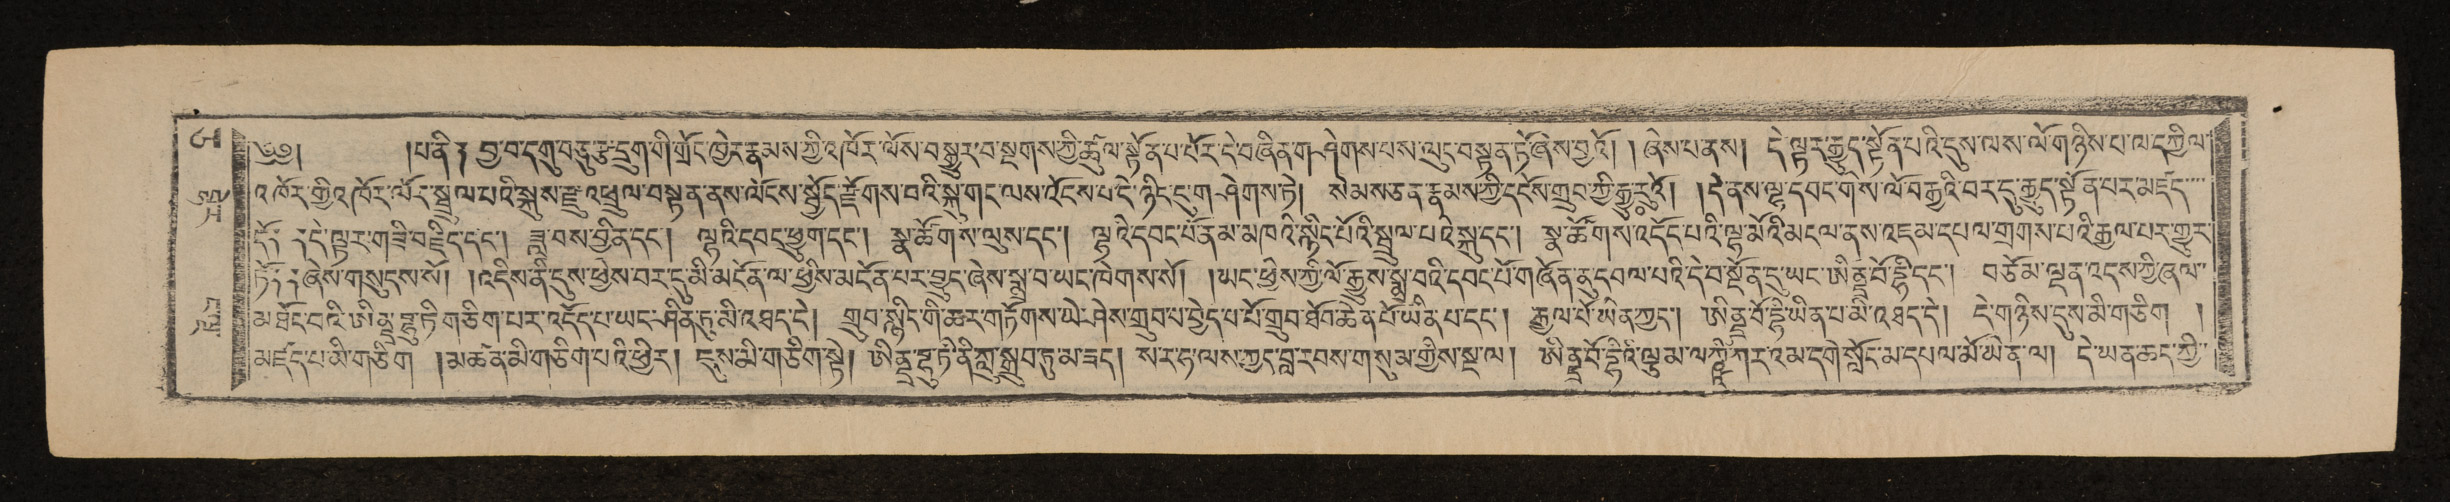༄༅། །པ་ནི༑ བྱ་བ་དགུ་བཅུ་རྩ་དྲུག་གི་གྲོང་ཁྱེར་རྣམས་ཀྱི་འཁོར་ལོས་བསྒྱུར་བ་སྔགས་ཀྱི་ཚུལ་སྟོན་འབོར་དེ་བཞིན་གཤེགས་པས་ལུང་བསྟན་ཏོ་ཞེས་བྱའོ། །ཞེས་པ་ནས། དེ་ལྟར་རྒྱུད་སྟོན་པའི་དུས་ལས་ལོ་གཉིས་པ་ལ་དཀྱིལ་
འཁོར་གྱི་འཁོར་ལོར་སྦྲུལ་པའི་སྐུས་རྫུ་འཕྲུལ་བསྟན་ནས་ལོངས་སྤྱོད་རྫོགས་པའི་སྐུ་གང་ལས་འོངས་པ་དེ་ཉིད་དུ་གཤེགས་ཏེ། སེམས་ཅན་རྣམས་ཀྱི་དངོས་གྲུབ་ཀྱི་རྒྱུ་རུའོ། །དེ་ནས་ལྷ་དབང་གིས་ལོ་བརྒྱའི་བར་དུ་རྒྱུད་སྟོན་པར་མཛད་
དོ༑ ༑དེ་ལྟར་གཟི་བརྗིད་དང་། ཟླ་བས་བྱིན་དང་། ལྷའི་དབང་ཕྱུག་དང་། སྣ་ཚོགས་ལུས་དང་། ལྷའི་དབང་པོ་ནམ་མཁའི་སྙིང་པོའི་སྤྲུལ་པའི་སྐུ་དང་། སྣ་ཚོགས་འདོད་པའི་ལྷ་མོའི་མངལ་ནས་འཇམ་དཔལ་གྲགས་པའི་རྒྱལ་བར་གྱུར་
ཏོ༑ ༑ཞེས་གསུངས་སོ། །འདིས་ནི་དུས་ཕྱིས་བར་དུ་མི་མངོན་ལ་ཕྱིས་མངོན་པར་བྱུང་ཞེས་སྨྲ་བ་ཡང་ཁེགས་སོ། །ཡང་ཕྱིས་ཀྱི་ལོ་རྒྱུས་སྨྲ་བའི་དབང་པོ་གཞོན་ནུ་དཔལ་བའི་དེ་བ་སྔོན་དུ་ཡང་ཨིནྡྲ་བོ་དྷི་དང་། བཅོམ་ལྡན་འདས་ཀྱི་ཞལ་
མཐོང་བའི་ཨིནྡྲ་བྷུ་ཏི་གཅིག་པར་འདོད་པ་ཡང་ཤིན་ཏུ་མི་འཐད་དེ། གྲུབ་སྙིང་གི་ཆར་གཏོགས་ཡེ་ཤེས་གྲུབ་པ་བྱེད་པ་པོ་གྲུབ་ཐོབ་ཆེན་པོ་ཡིན་པ་དང་། རྒྱལ་པོ་ཡིན་ཀྱང་། ཨིནྡྲ་བོ་དྷི་ཡིན་པ་མི་འཐད་དེ། དེ་གཉིས་དུ་ས་མི་གཅིག །
མཛད་པ་མི་གཅིག །མཚན་མི་གཅིག་པའི་ཕྱིར། དུས་མི་གཅིག་སྟེ། ཨིནྡྲ་བྷུ་ཏི་ནི་ཀླུ་སྒྲུབ་ཏུ་མ་ཟད། ས་ར་ཧ་ལས་ཀྱང་བླ་རབས་གསུམ་གྱིས་སྔ་ལ། ཨིནྡྲ་བོ་དྷིའི་ལྕམ་ལཀྵཱིཾ་ཀར་འམ་དགེ་སློང་མ་དཔལ་མོ་ཡིན་ལ། དེ་ཡན་ཆད་ཀྱི་